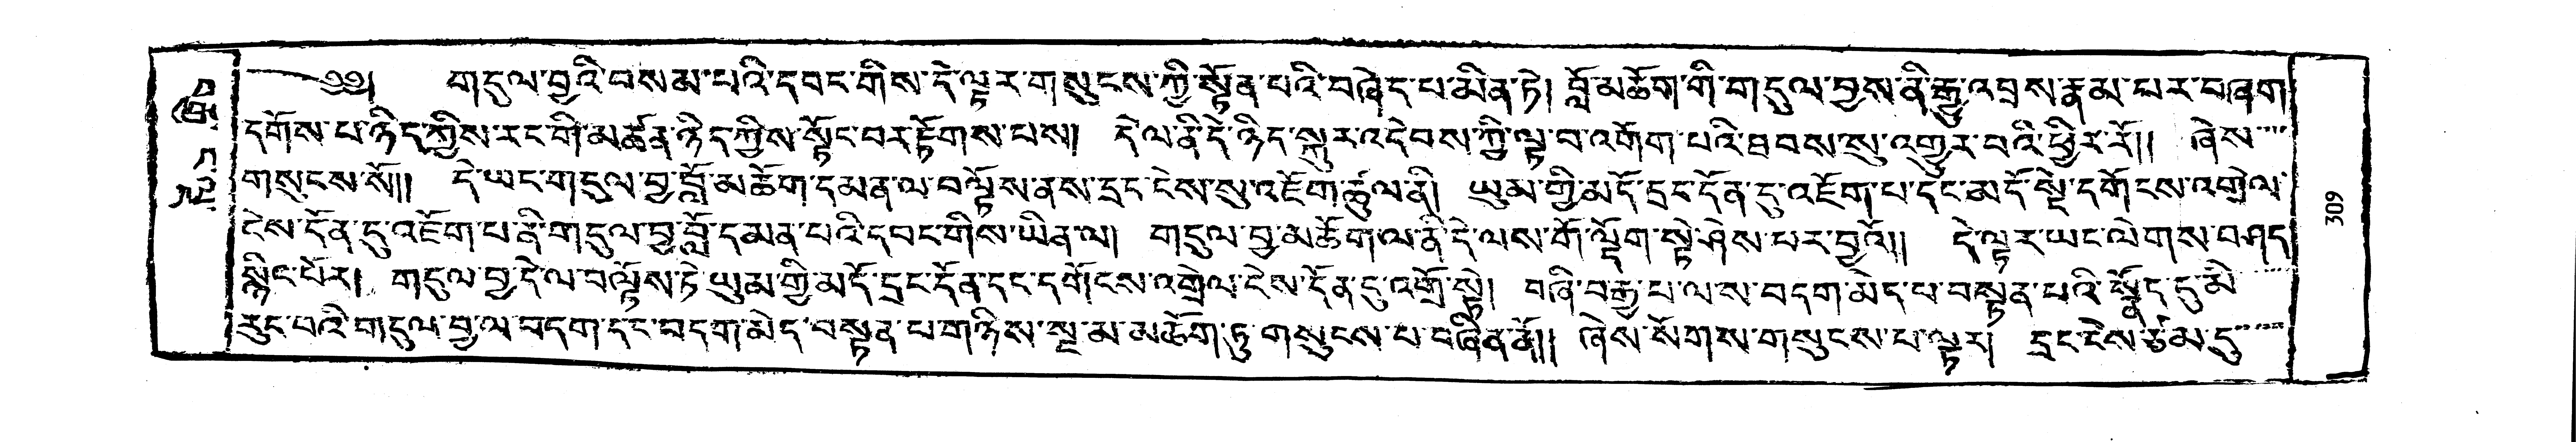༄༅། །གདུལ་བྱའི་བསམ་པའི་དབང་གིས་དེ་ལྟར་གསུངས་ཀྱི་སྟོན་པའི་བཞེད་པ་མིན་ཏེ། བློ་མཆོག་གི་གདུལ་བྱས་ནི་རྒྱུ་འབྲས་རྣམ་པར་བཞག་
དགོས་པ་ཉིད་ཀྱིས་རང་གི་མཚན་ཉིད་ཀྱིས་སྟོང་པར་རྟོགས་པས། དེ་ལ་ནི་དེ་ཉིད་སྐུར་འདེབས་ཀྱི་ལྟ་བ་འགོག་པའི་ཐབས་སུ་འགྱུར་བའི་ཕྱིར་རོ།། ཞེས་
གསུངས་སོ།། དེ་ཡང་གདུལ་བྱ་བློ་མཆོག་དམན་ལ་བལྟོས་ནས་དྲང་ངེས་སུ་འཇོག་ཚུལ་ནི། ཡུམ་གྱི་མདོ་དྲང་དོན་དུ་འཇོག་པ་དང་མདོ་སྡེ་དགོངས་འགྲེལ་
ངེས་དོན་དུ་འཇོག་པ་ནི་གདུལ་བྱ་བློ་དམན་པའི་དབང་གིས་ཡིན་ལ། གདུལ་བྱ་མཆོག་ལ་ནི་དེ་ལས་གོ་ལྡོག་སྟེ་ཤེས་པར་བྱའོ། །དེ་ལྟར་ཡང་ལེགས་བཤད་
སྙིང་པོར། གདུལ་བྱ་དེ་ལ་བལྟོས་ཏེ་ཡུམ་གྱི་མདོ་དྲང་དོན་དང་དགོངས་འགྲེལ་ངེས་དོན་དུ་འགྲོ་སྟེ། བཞི་བརྒྱ་པ་ལས་བདག་མེད་པ་བསྟན་པའི་སྣོད་དུ་མི་
རུང་བའི་གདུལ་བྱ་ལ་བདག་དང་བདག་མེད་བསྟན་པ་གཉིས་སྔ་མ་མཆོག་ཏུ་གསུངས་པ་བཞིན་ནོ། །ཞེས་སོགས་གསུངས་པ་ལྟར། དྲང་ངེས་ཙམ་དུ་